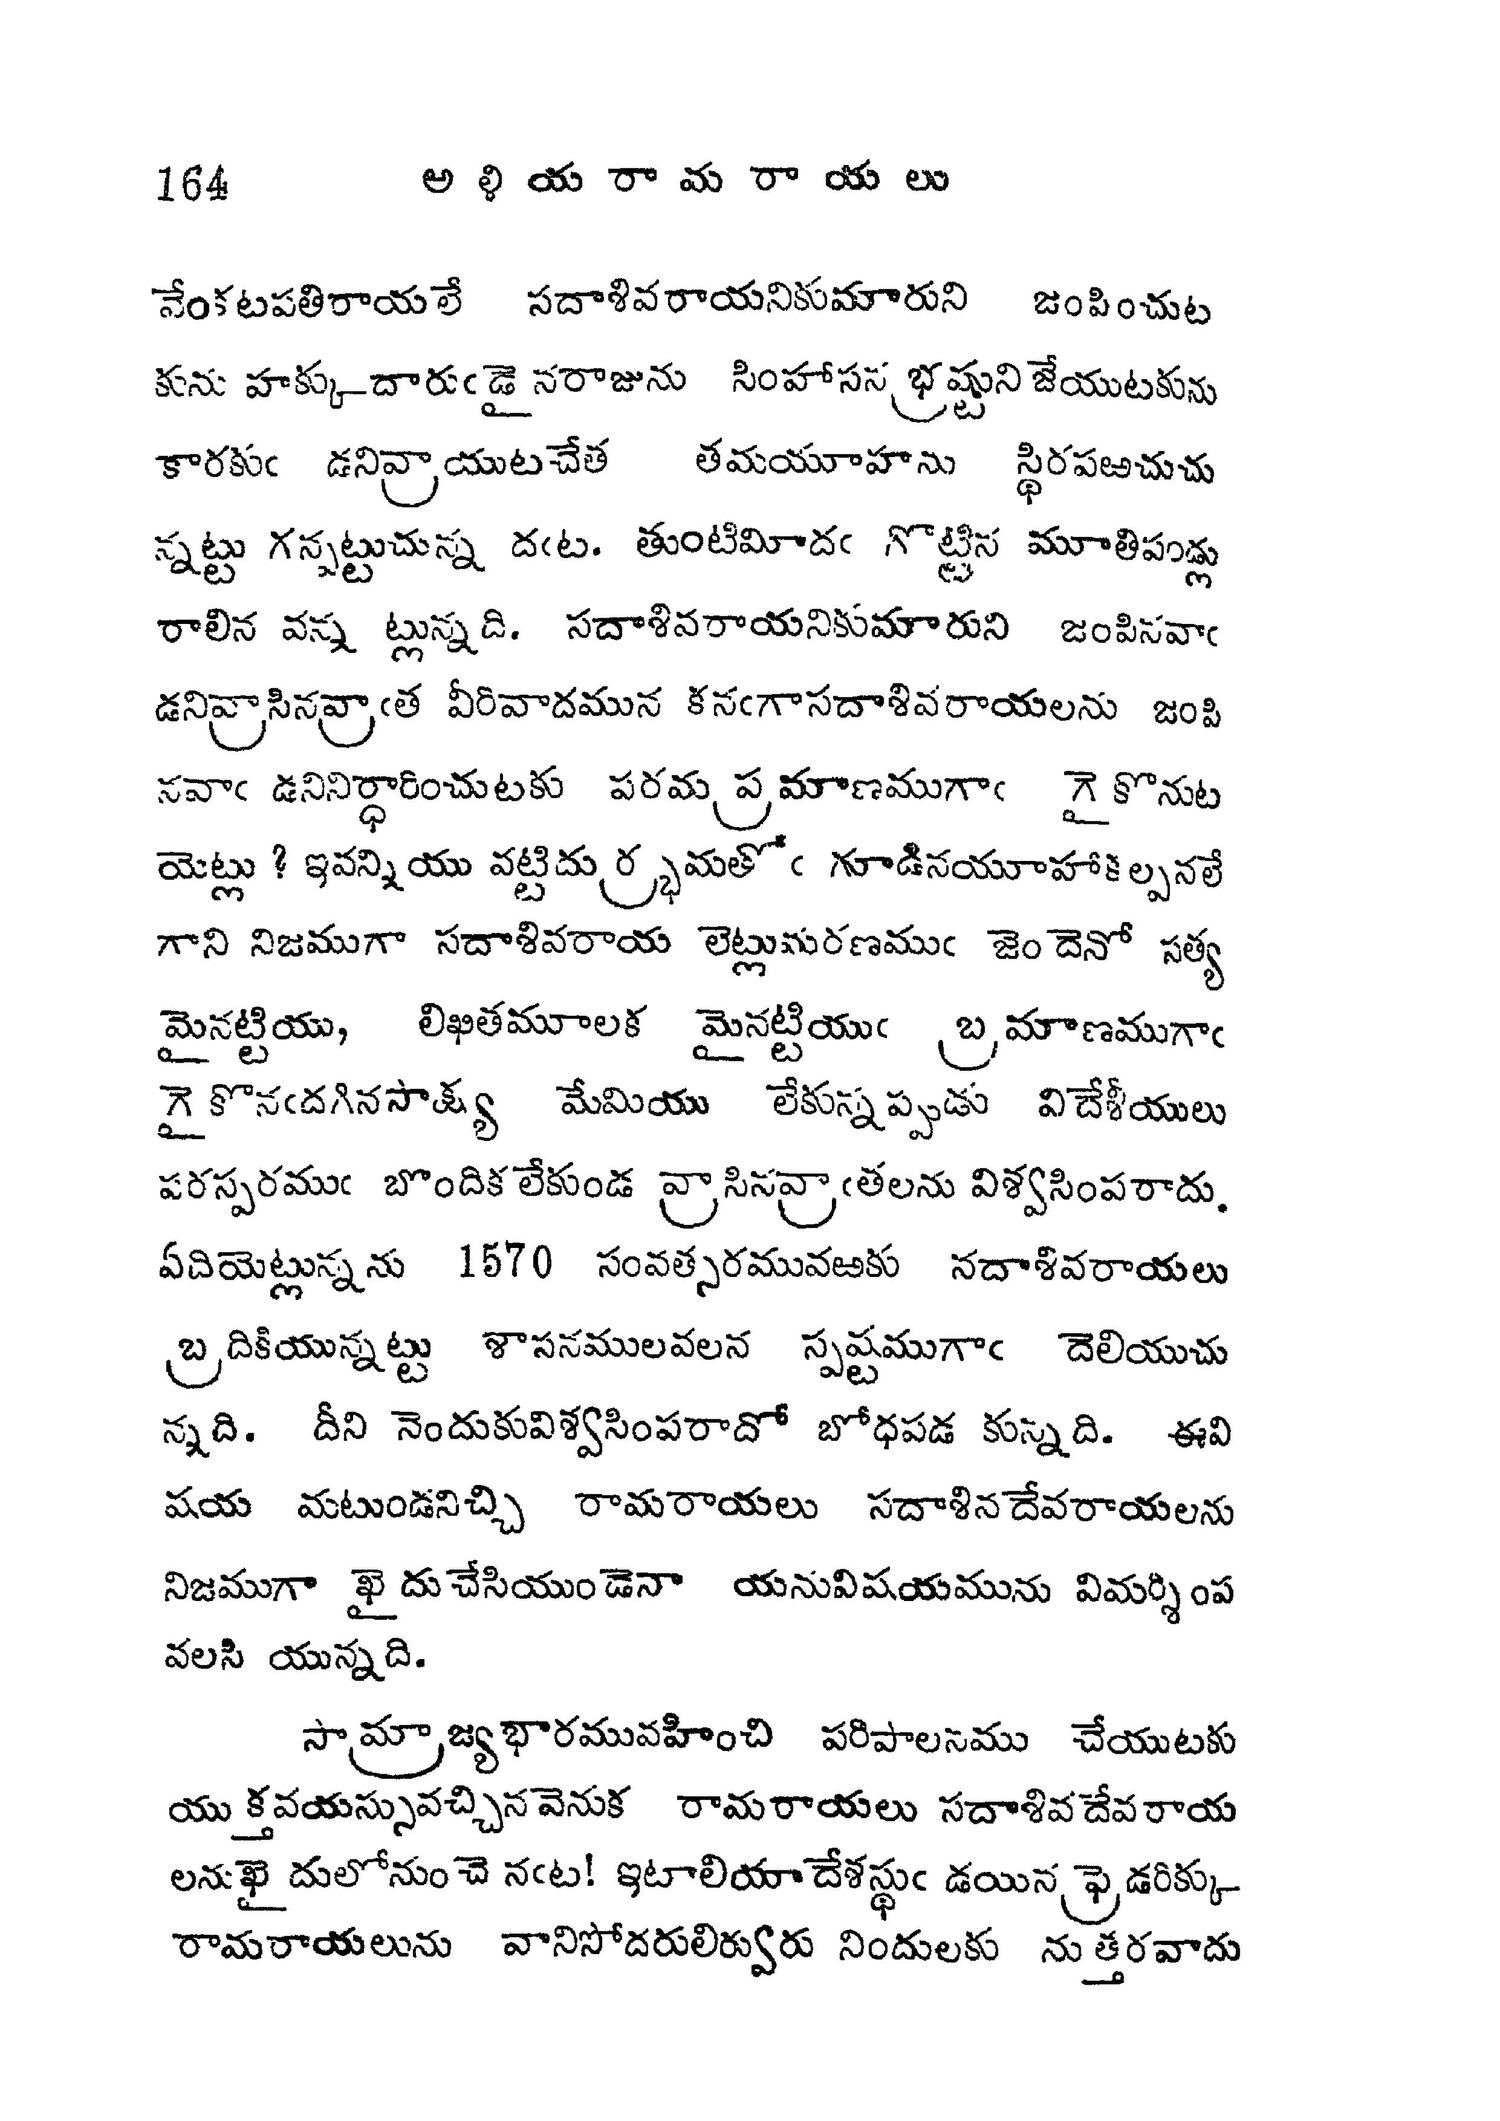వేంకటపతిరాయలే సదాశివరాయనికుమారుని జంపించుటకును హక్కుదారుడైనరాజును సింహాసనభ్రష్టునిజేయుటకును కారకు డనివ్రాయుటచేత తమయూహను స్థిరపఱచుచున్నట్టు గన్పట్టుచున్న దట. తుంటిమీద గొట్టిన మూతిపండ్లురాలిన వన్న ట్లున్నది. సదాశివరాయనికుమారుని జంపినవాడనివ్రాసినవ్రాత వీరివాదమున కనగాసదాశివరాయలను జంపినవా డనినిర్ధారించుటకు పరమప్రమాణముగా గైకొనుట యెట్లు? ఇవన్నియు వట్టిదుర్ర్భమతో గూడినయూహాకల్పనలే గాని నిజముగా సదాశివరాయ లెట్లుమరణము జెందెనో సత్యమైనట్టియు, లిఖితమూలక మైనట్టియు బ్రమాణముగా గైకొనదగినసాక్ష్య మేమియు లేకున్నప్పుడు విదేశీయులు పరస్పరము బొందికలేకుండ వ్రాసినవ్రాతలను విశ్వసింపరాదు. ఏదియెట్లున్నను 1570 సంవత్సరమువఱకు సదాశివరాయలు బ్రదికియున్నట్టు శాసనములవలన స్పష్టముగా దెలియుచున్నది. దీని నెందుకువిశ్వసింపరాదో బోధపడ కున్నది. ఈవిషయ మటుండనిచ్చి రామరాయలు సదాశివదేవరాయలను నిజముగా ఖైదుచేసియుండెనా యనువిషయమును విమర్శింపవలసి యున్నది.

సామ్రాజ్యభారమువహించి పరిపాలనము చేయుటకు యుక్తవయస్సువచ్చినవెనుక రామరాయలు సదాశివదేవరాయలను ఖైదులోనుంచెనట! ఇటాలియాదేశస్థు డయినఫ్రెడరిక్కు రామరాయలును వానిసోదరులిర్వురు నిందులకు నుత్తరవాదు